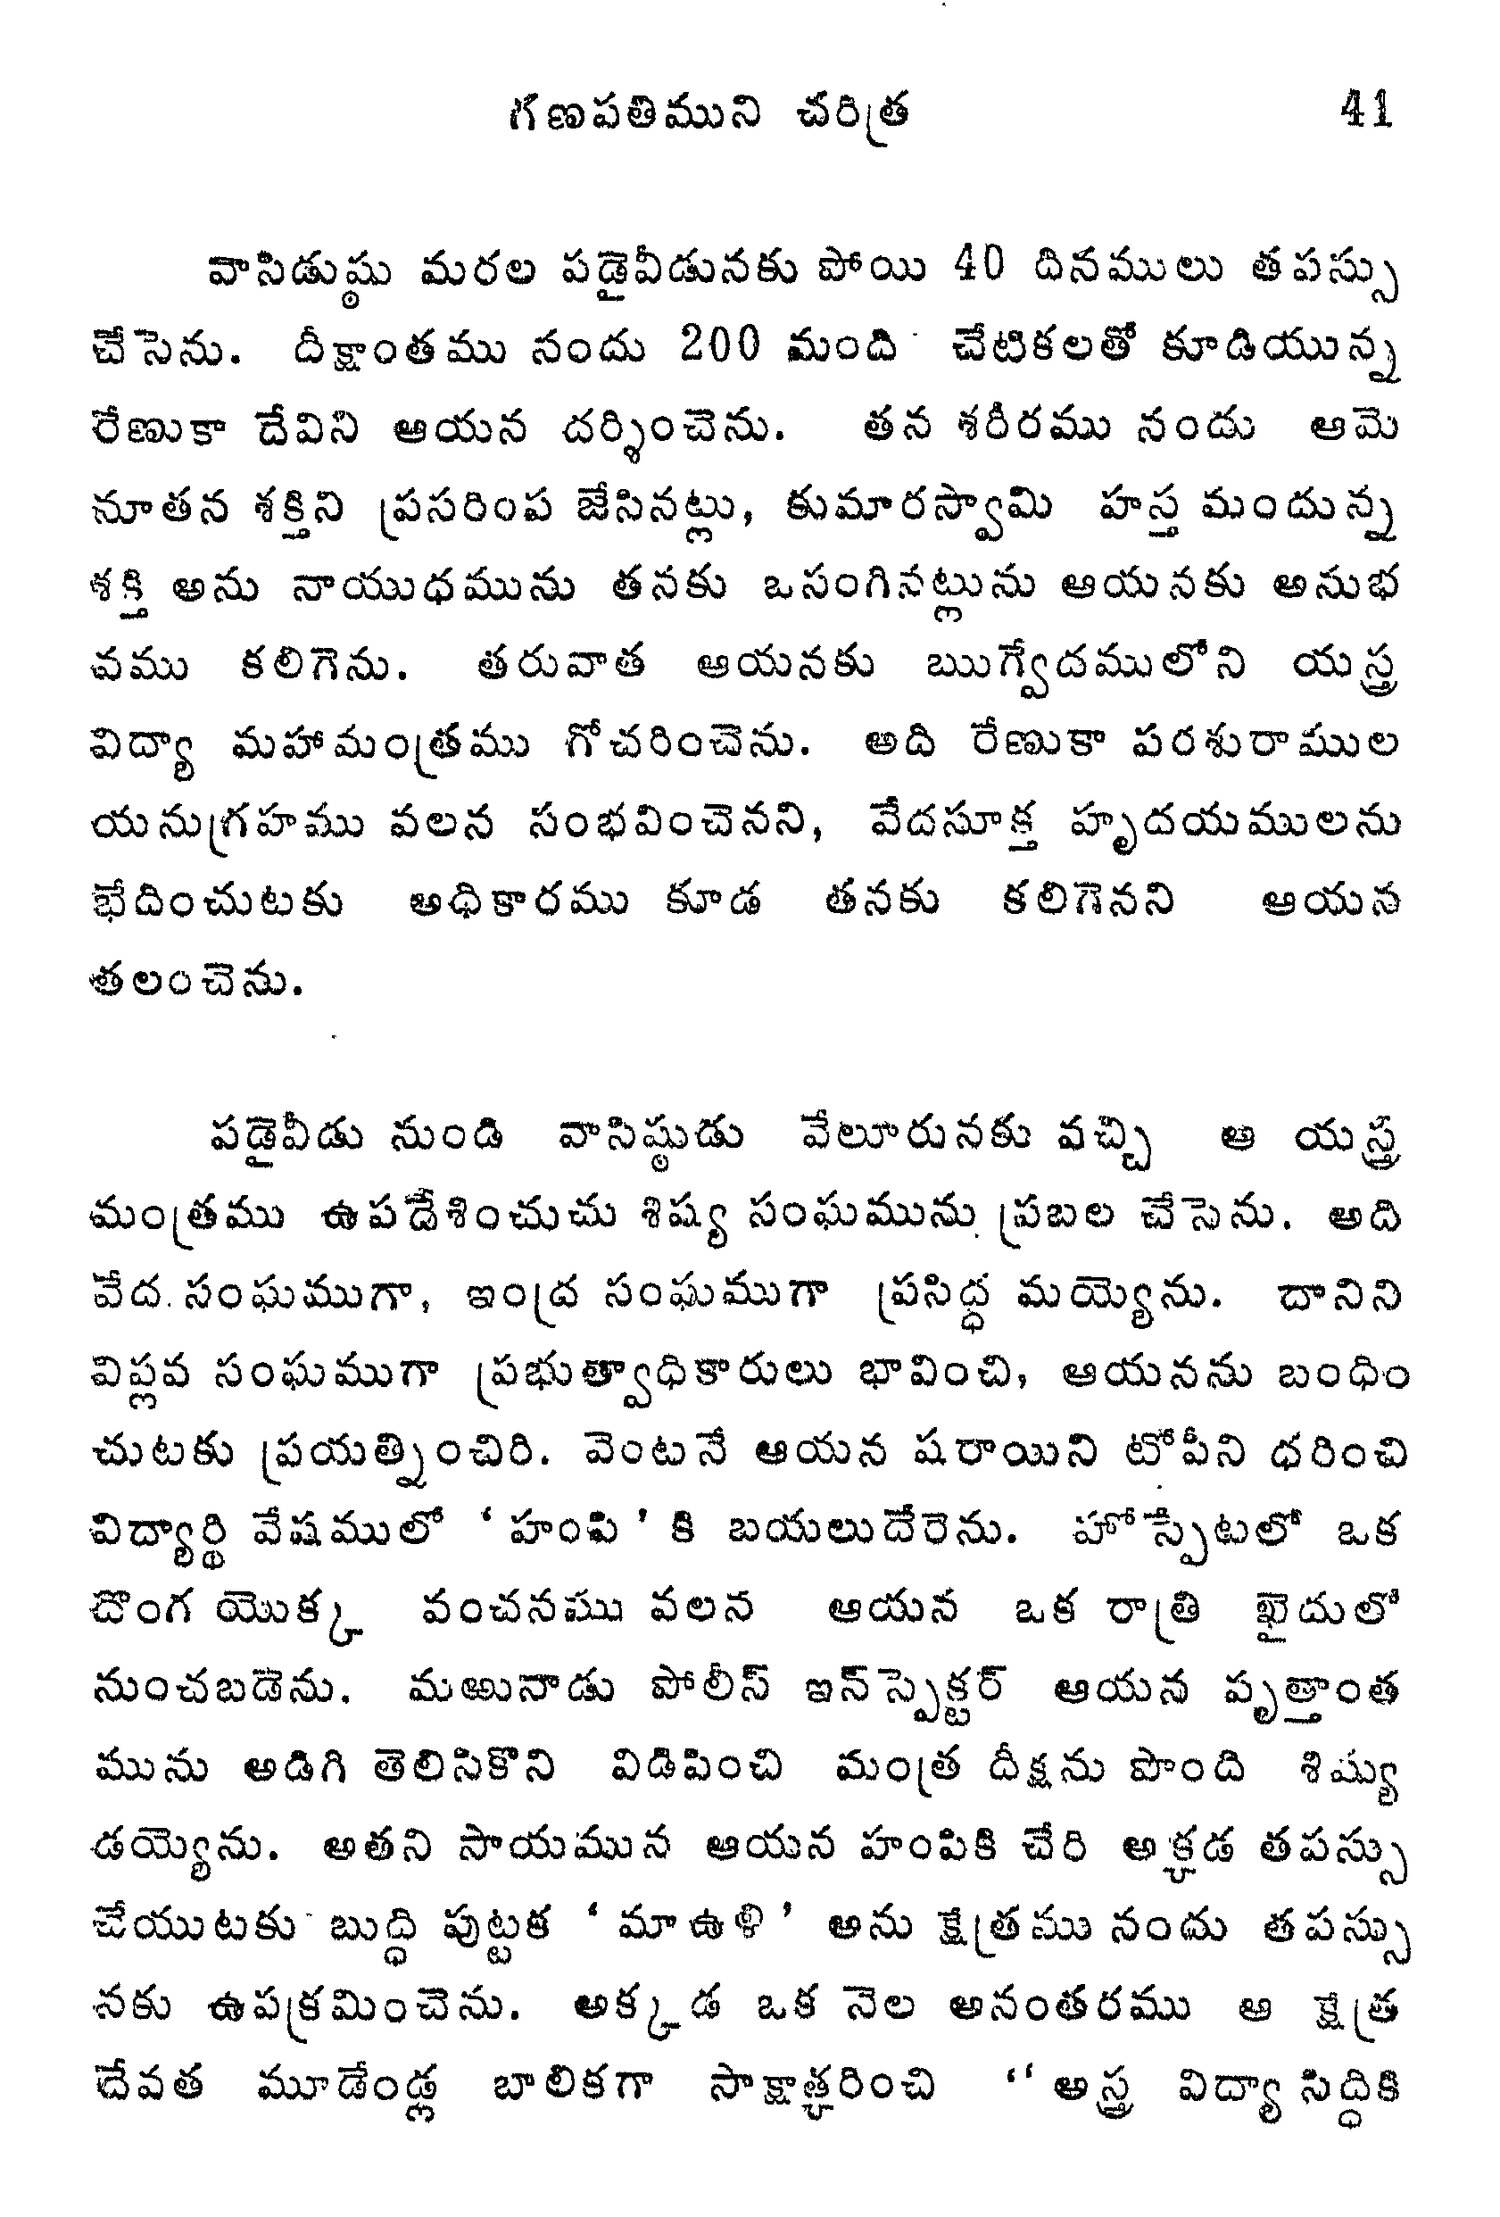వాసిష్ఠుడు మరల పడైవీడునకు పోయి 40 దినములు తపస్సు చేసెను. దీక్షాంతము నందు 200 మంది చేటికలతో కూడియున్న రేణుకా దేవిని ఆయన దర్శించెను. తన శరీరము నందు ఆమె నూతన శక్తిని ప్రసరింప జేసినట్లు, కుమారస్వామి హస్త మందున్న శక్తి అను నాయుధమును తనకు ఒసంగినట్లును ఆయనకు అనుభవము కలిగెను. తరువాత ఆయనకు ఋగ్వేదములోని యస్త్రవిద్యా మహామంత్రము గోచరించెను. అది రేణుకా పరశురాముల యనుగ్రహము వలన సంభవించెనని, వేదసూక్త హృదయములను భేదించుటకు అధికారము కూడ తనకు కలిగెనని ఆయన తలంచెను.

పడైవీడు నుండి వాసిష్ఠుడు వేలూరునకు వచ్చి ఆ యస్త్ర మంత్రము ఉపదేశించుచు శిష్య సంఘమును ప్రబల చేసెను. అది వేద సంఘముగా, ఇంద్ర సంఘముగా ప్రసిద్ధ మయ్యెను. దానిని విప్లవ సంఘముగా ప్రభుత్వాధికారులు భావించి, ఆయనను బంధించుటకు ప్రయత్నించిరి. వెంటనే ఆయన షరాయిని టోపీని ధరించి విద్యార్థి వేషములో 'హంపి' కి బయలుదేరెను. హోస్పేటలో ఒక దొంగ యొక్క వంచనము వలన ఆయన ఒక రాత్రి ఖైదులో నుంచబడెను. మఱునాడు పోలీస్ ఇన్‌స్పెక్టర్ ఆయన వృత్తాంతమును అడిగి తెలిసికొని విడిపించి మంత్ర దీక్షను పొంది శిష్యుడయ్యెను. అతని సాయమున ఆయన హంపికి చేరి అక్కడ తపస్సు చేయుటకు బుద్ది పుట్టక 'మాఉళి' అను క్షేత్రము నందు తపస్సునకు ఉపక్రమించెను. అక్కడ ఒక నెల అనంతరము ఆ క్షేత్ర దేవత మూడేండ్ల బాలికగా సాక్షాత్కరించి "అస్త్ర విద్యా సిద్ధికి